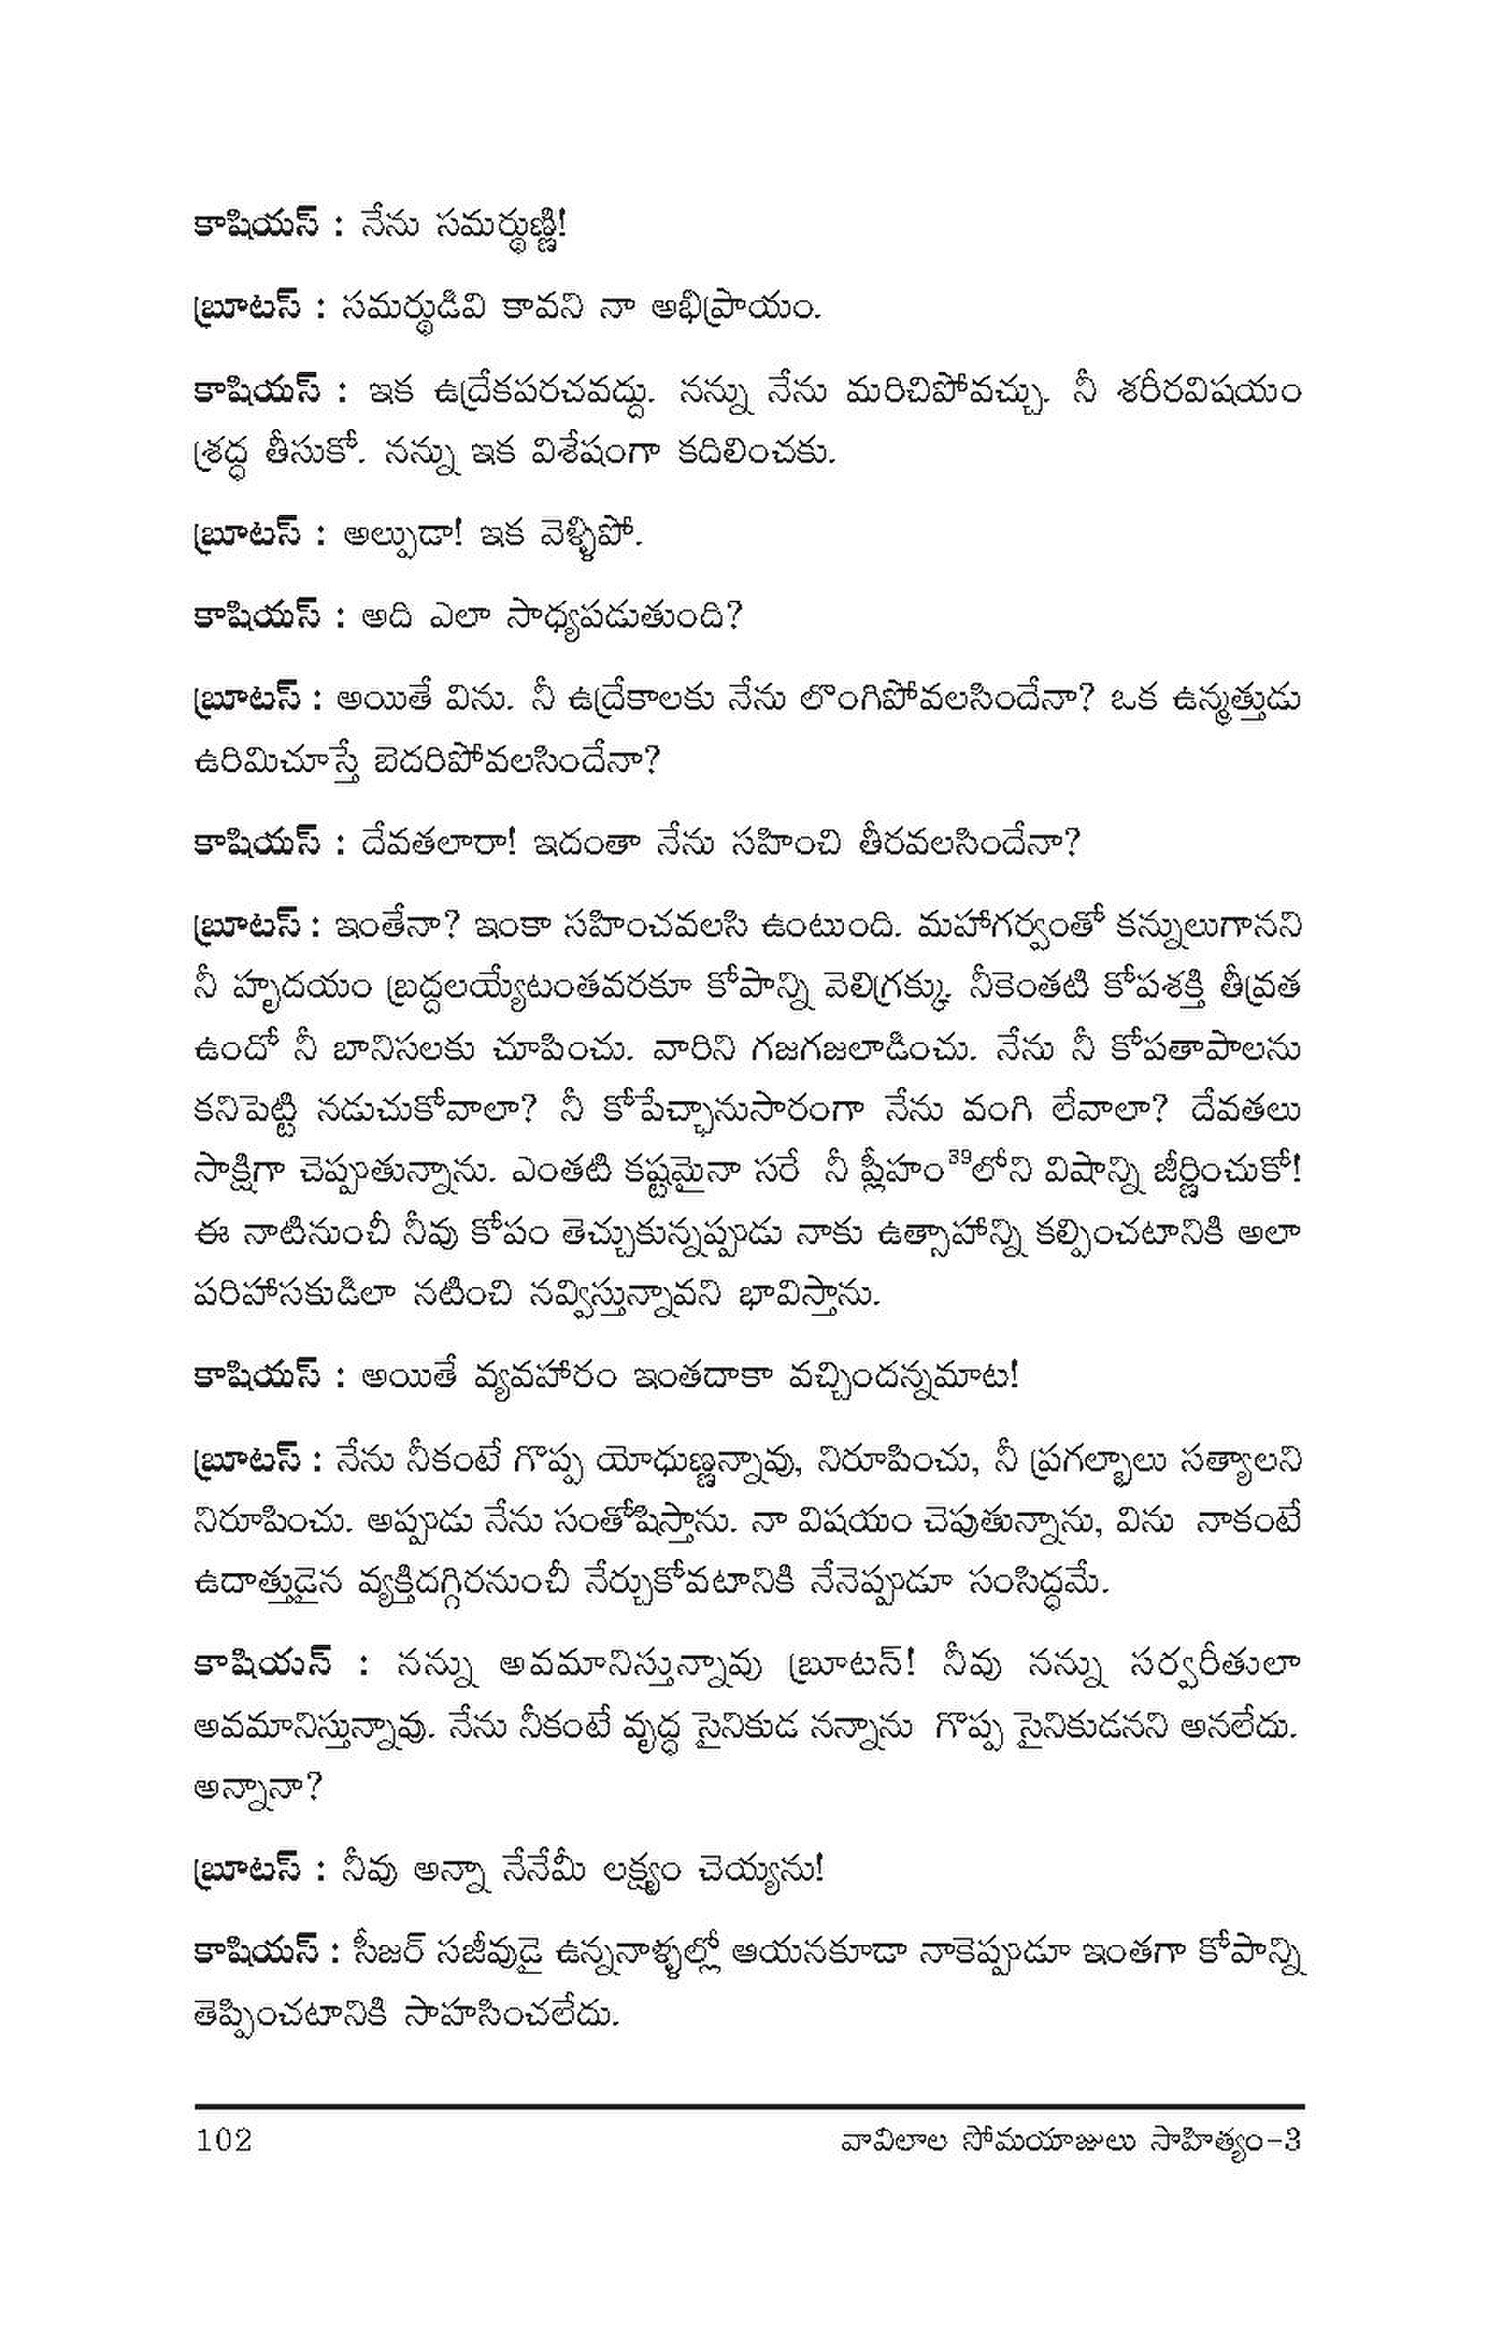కాషియస్ : నేను సమర్థుణ్ణి!

బ్రూటస్ : సమర్థుడివి కావని నా అభిప్రాయం.

కాషియస్ : ఇక ఉద్రేకపరచవద్దు. నన్ను నేను మరిచిపోవచ్చు. నీ శరీరవిషయం శ్రద్ధ తీసుకో. నన్ను ఇక విశేషంగా కదిలించకు.

బ్రూటస్ : అల్పుడా! ఇక వెళ్ళిపో.

కాషియస్ : అది ఎలా సాధ్యపడుతుంది?

బ్రూటస్ : అయితే విను. నీ ఉద్రేకాలకు నేను లొంగిపోవలసిందేనా? ఒక ఉన్మత్తుడు ఉరిమిచూస్తే బెదరిపోవలసిందేనా?

కాషియస్ : దేవతలారా! ఇదంతా నేను సహించి తీరవలసిందేనా? బ్రూటస్: ఇంతేనా? ఇంకా సహించవలసి ఉంటుంది. మహాగర్వంతో కన్నులుగానని నీ హృదయం బద్దలయ్యేటంతవరకూ కోపాన్ని వెలిగ్రక్కు నీకెంతటి కోపశక్తి తీవ్రత
ఉందో నీ బానిసలకు చూపించు. వారిని గజగజలాడించు. నేను నీ కోపతాపాలను కనిపెట్టి నడుచుకోవాలా? నీ కోపేచ్ఛాను సారంగా నేను వంగి లేవాలా? దేవతలు సాక్షిగా చెప్పుతున్నాను. ఎంతటి కష్టమైనా సరే నీ ప్లీహం39 లోని విషాన్ని జీర్ణించుకో! ఈ నాటినుంచీ నీవు కోపం తెచ్చుకున్నప్పుడు నాకు ఉత్సాహాన్ని కల్పించటానికి అలా
పరిహాసకుడిలా నటించి నవ్విస్తున్నావని భావిస్తాను.

కాషియస్ : అయితే వ్యవహారం ఇంతదాకా వచ్చిందన్నమాట!

బ్రూటస్ : నేను నీకంటే గొప్ప యోధుణ్ణన్నావు, నిరూపించు, నీ ప్రగల్భాలు సత్యాలని నిరూపించు. అప్పుడు నేను సంతోషిస్తాను. నా విషయం చెపుతున్నాను, విను నాకంటే ఉదాత్తుడైన వ్యక్తిదగ్గరనుంచీ నేర్చుకోవటానికి నేనెప్పుడూ సంసిద్ధమే.

కాషియన్ : నన్ను అవమానిస్తున్నావు బ్రూటన్! నీవు నన్ను సర్వరీతులా అవమానిస్తున్నావు. నేను నీకంటే వృద్ధ సైనికుడ నన్నాను గొప్ప సైనికుడనని అనలేదు. అన్నానా?

బ్రూటస్ : నీవు అన్నా నేనేమీ లక్ష్యం చెయ్యను!

కాషియస్ : సీజర్ సజీవుడై ఉన్ననాళ్ళల్లో ఆయనకూడా నాకెప్పుడూ ఇంతగా కోపాన్ని తెప్పించటానికి సాహసించలేదు.
102వావిలాల సోమయాజులు సాహిత్యం-3